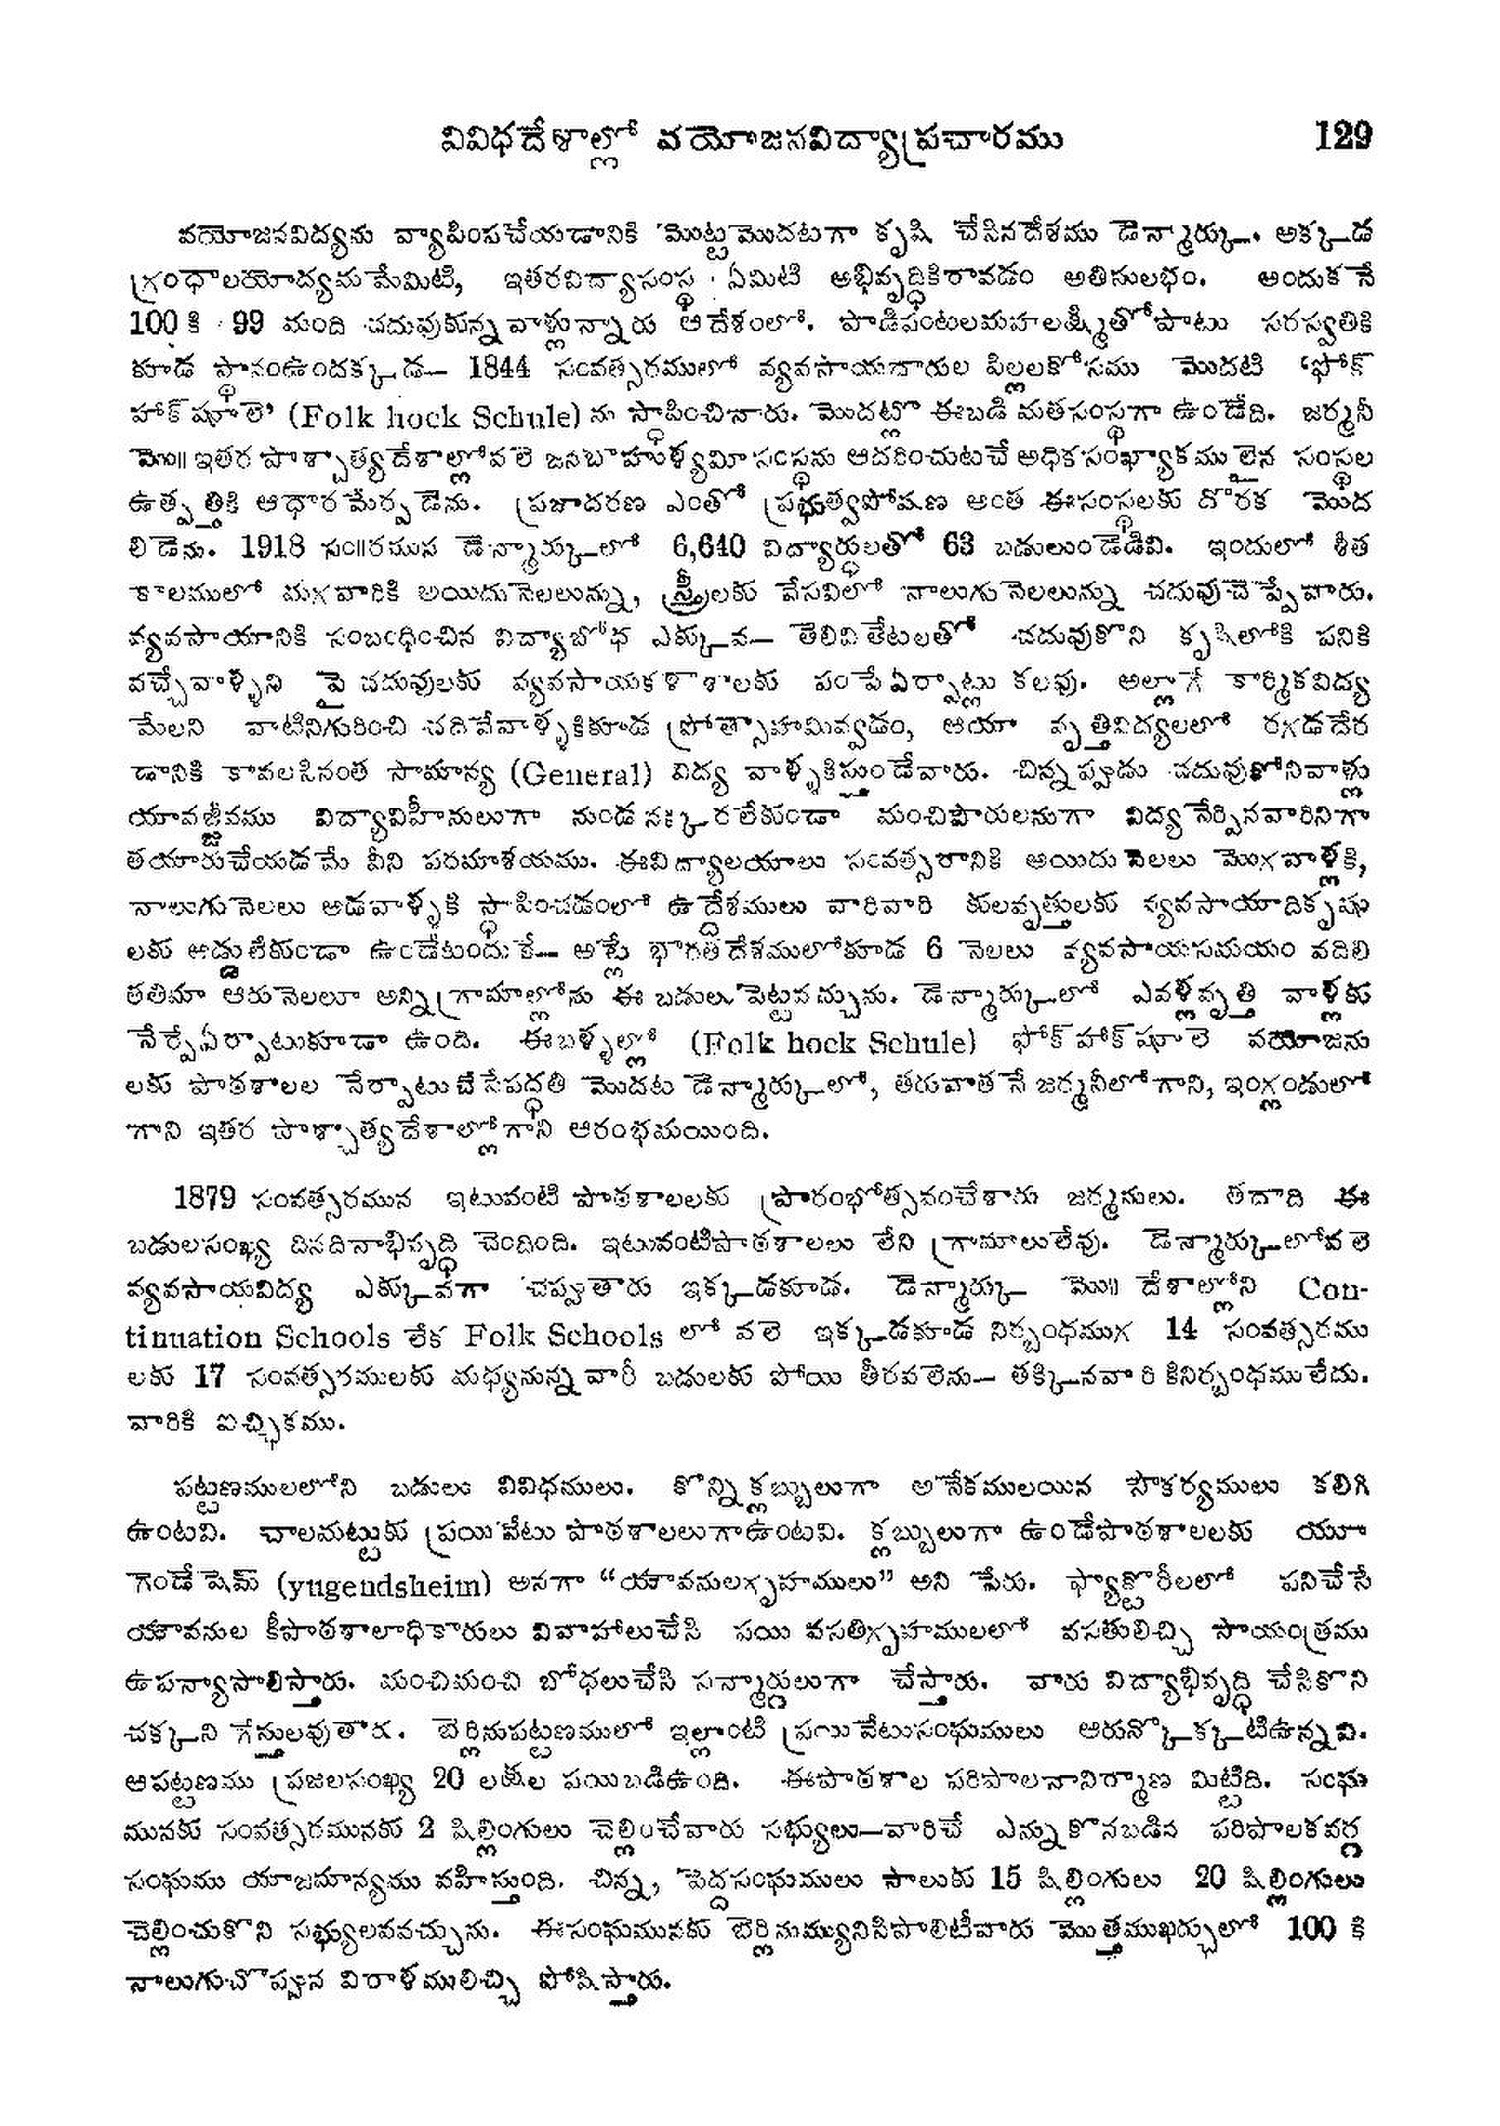వయోజనవిద్యను వ్యాపింపచేయడానికి 'మొట్టమొదటగా కృషి చేసిన దేశము డెన్మార్కు. అక్కడ గ్రంధాలయోద్యమమేమిటి, 
ఇతరవిద్యాసంస్థ ఏమిటి అభివృద్ధికి రావడం అతిసులభం. అందుకనే 100 కి 99 మంది చదువుకున్న వాళ్లున్నారు ఆ దేశంలో. 
పాడిపంటల మహలక్ష్మితో పాటు సరస్వతికి కూడ స్థానం ఉందక్కడ - 1844 సంవత్సరములో వ్యవసాయదారుల పిల్లలకోసము 
మొదటి 'ఫోక్ హాక్ షూలె' (Folk hock Scbule) ను స్థాపించినారు. మొదట్లో ఈబడి మతసంస్థగా ఉండేది. జర్మనీ
మొ|| ఇతర పాశ్చాత్యదేశాల్లో వలె జనబాహుళ్యమీ సంస్థను ఆదరించుటచే అధిక సంఖ్యాకము లైన సంస్థల ఉత్పత్తికి 
ఆధారమేర్పడెను. ప్రజాదరణ ఎంతో ప్రభుత్వపోషణ అంత ఈ సంస్థలకు దొరక మొదలిడెను. 1918 సం॥రముస డెన్మాక్కులో 
6,640 విద్యార్థులతో 63 బడులుండెడివి. ఇందులో శీత కాలములో మగ వారికి అయిదు నెలలున్ను, స్త్రీలకు వేసవిలో నాలుగు 
నెలలున్ను చదువు చెప్పేవారు. వ్యవసాయానికి సంబంధించిన విద్యాబోధ ఎక్కువ- తెలివి తేటలతో చదువుకొని కృషిలోకి పనికి
వచ్చే వాళ్ళని పైచదువులకు వ్యవసాయ కళాశాలకు పంపే ఏర్పాట్లు కలవు. అల్లాగే కార్మిక విద్యమేలని వాటినిగురించి 
చదివేవాళ్ళకికూడ ప్రోత్సాహమివ్వడం, ఆయా వృత్తివిద్యలలో రగడదేరడానికి కావలసినంత సామాన్య (General) విద్య 
వాళ్ళకిస్తుండేవారు. చిన్నప్పుడు చదువుకోనివాళ్లు యావజ్జీవము విద్యావిహీనులుగా నుండనక్కరగాలేకుండా మంచిపౌరులనుగా 
విద్యనేర్పిన వారినిగా తయారుచేయడమే వీని పరమాశయము. ఈవి ద్యాలయాలు సంవత్సరానికి అయిదు నెలలు మొగవాళ్లకి,
నాలుగు నెలలు ఆడవాళ్ళకి స్థాపించడంలో ఉద్దేశములు వారివారి కులవృత్తులకు వ్యవసాయాదికృషులకు అడ్డులేకుండా 
ఉండేటందుకే - అట్లే భారతదేశములో కూడ 6 నెలలు వ్యవసాయ సమయం వదిలి తతిమా ఆరు నెలలూ అన్ని గ్రామాల్లోను 
ఈ బడులు పెట్టవచ్చును. డెన్మార్కులో ఎవరవృత్తి వాళ్లకు నేర్పేఏర్పాటుకూడా ఉంది. ఈబళ్ళల్లో (Folk hock Schule) 
ఫోక్ హాక్ షూలె వయోజనులకు పాఠశాలల నేర్పాటు చేసే పద్దతి మొదట డెన్మార్కులో, తరువాతనే జర్మనీలో గాని, 
ఇంగ్లండులో గాని ఇతర పాశ్చాత్యదేశాల్లోగాని ఆరంభమయింది.

1879 సంవత్సరమున ఇటువంటి పాఠశాలలకు ప్రారంభోత్సవంచేశారు. జర్మనులు. తదాది ఈ బడుల సంఖ్య దినదినాభివృద్ధి 
చెందింది. ఇటువంటి పాఠశాలలు లేని గ్రామాలు లేవు. డెన్మార్కులోవలె వ్యవసాయవిద్య ఎక్కువగా చెప్పుతారు ఇక్కడకూడ. 
డెన్మార్కు మొ॥ దేశాల్లోని continuation Schools లేక Folk Schools లో వలె ఇక్కడకూడ నిర్బంధముగ 14 సంవత్సరము
లకు 17 సంవత్సరములకు మధ్యనున్న వారి బడులకు పోయి తీరవలెను - తక్కినవారికి నిర్బంధము లేదు. వారికి ఐచ్ఛికము.

పట్టణములలోని బడులు వివిధములు. కొన్ని క్లబ్బులుగా అనేకములయిన సౌకర్యములు కలిగి ఉంటవి. చాలమట్టుకు ప్రయివేటు పాఠశాలలుగా ఉంటవి. క్లబ్బులుగా ఉండేపాఠశాలలకు గె౦డే షెమ్ (yugendsheim) అనగా “యౌవనులగృహములు" అని పేరు. ఫ్యాక్టరీలలో పనిచేసే యౌవనుల కీపాఠశాలాధికారులు వివాహాలు చేసి పయి వసతిగృహములలో వసతులిచ్చి సాయంత్రము
ఉపన్యాసాలిస్తారు. మంచి మంచి బోధలు చేసి సన్మార్గులుగా చేస్తారు. వారు విద్యాభివృద్ధి చేసికొని చక్కని గేస్తులవుతారు. బెర్లినుపట్టణములో ఇల్లాంటి ప్రయివేటు సంఘములు ఆరున్కొక్కటి ఉన్నవి. ఆపట్టణము ప్రజల సంఖ్య 20 లక్షల 
పయిబడిఉంది. ఈ పాఠశాల పరిపాలనా నిర్మాణ మిట్టిది. సంఘమునకు సంవత్సరమునకు 2 పిల్లింగులు చెల్లించేవారు 
సభ్యులు వారిచే ఎన్నుకొనబడిన పరిపాలక వర్ణసంఘము యాజమాన్యము వహిస్తుంది. చిన్న, పెద్ద సంఘములు సాలుకు 
15 షిల్లింగులు 20 షిల్లింగులు చెల్లించుకొని సభ్యులవవచ్చును. ఈ సంఘమునకు బెర్లినుమ్యునిసిపాలిటీవారు మొత్తము
ఖర్చులో 100 కి నాలుగు చొప్పున విరాళములిచ్చి పోషిస్తారు.